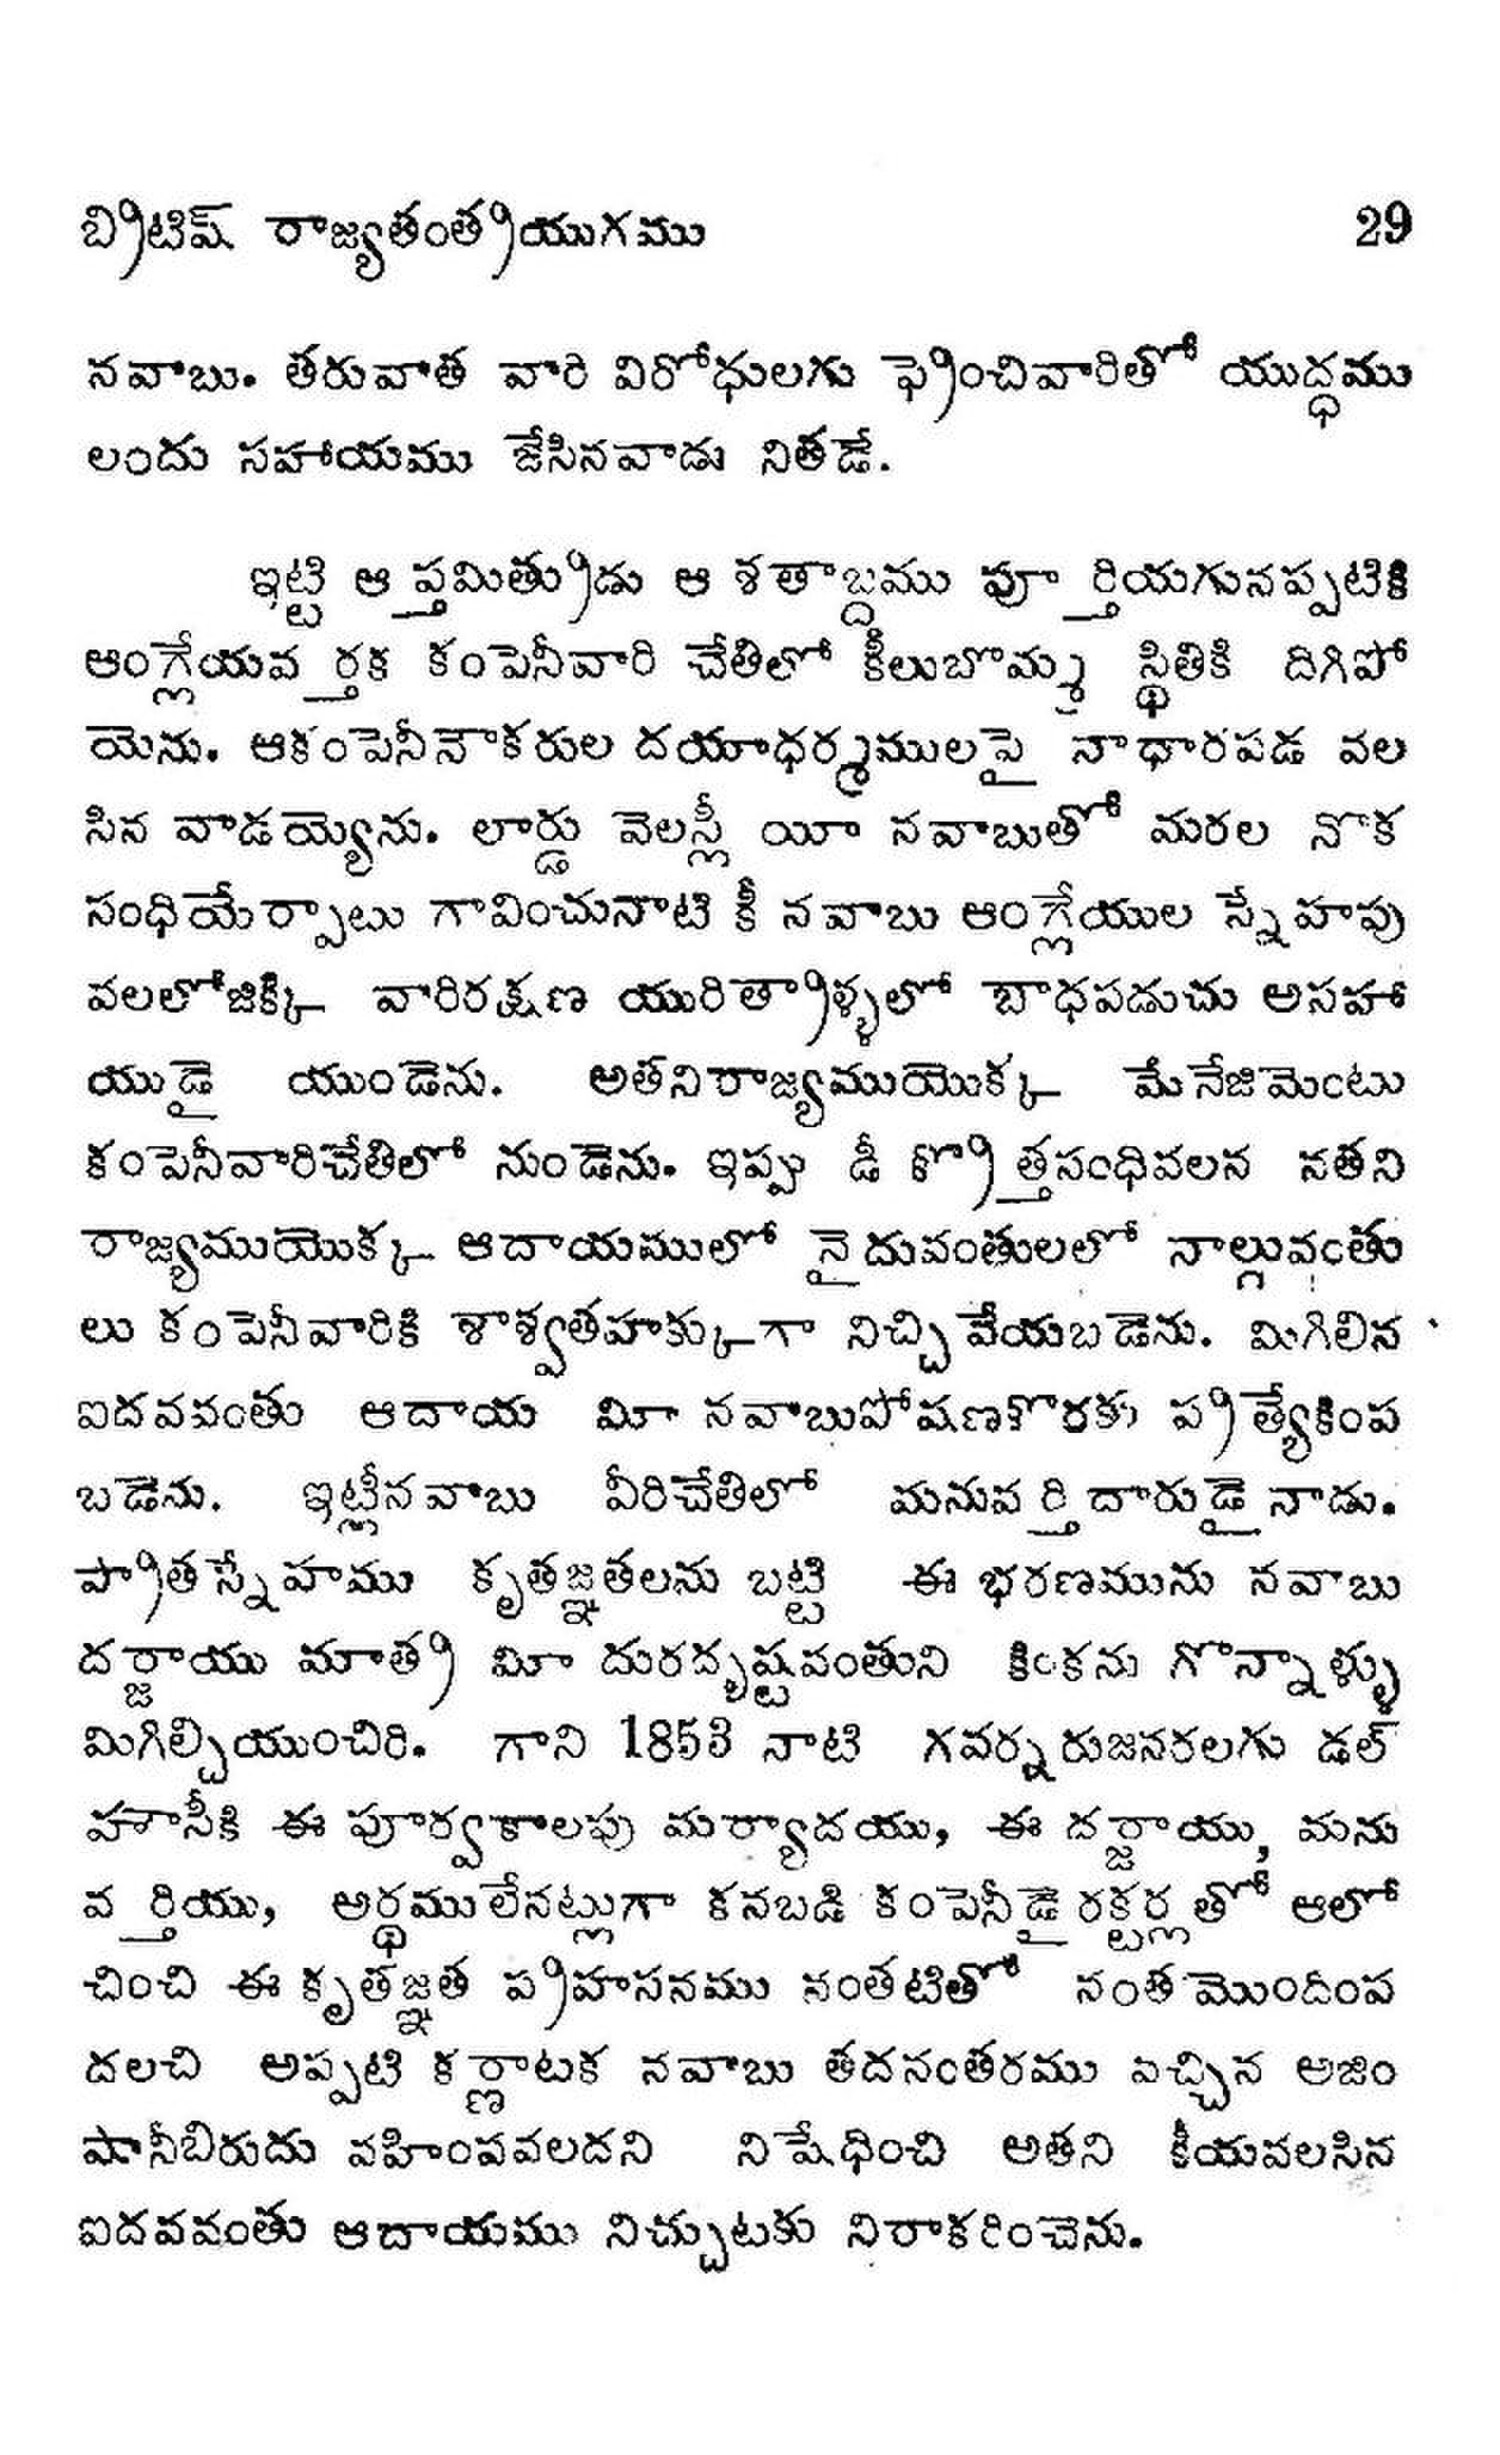నవాబు. తరువాత వారి విరోధులగు ఫ్రెంచివారితో యుద్ధములందు సహాయము జేసినవాడు నితడే.

ఇట్టి ఆప్తమిత్రుడు ఆ శతాబ్దము పూర్తియగునప్పటికి ఆంగ్లేయవర్తక కంపెనీవారి చేతిలో కీలుబొమ్మ స్థితికి దిగిపోయెను. ఆకంపెనీనౌకరుల దయాధర్మములపై నాధారపడ వలసిన వాడయ్యెను. లార్డు వెలస్లీ యీ నవాబుతో మరల నొక సంధియేర్పాటు గావించునాటి కీ నవాబు ఆంగ్లేయుల స్నేహపు వలలో జిక్కి వారిరక్షణ యురిత్రాళ్ళలో బాధపడుచు అసహాయుడై యుండెను. అతనిరాజ్యముయొక్క మేనేజిమెంటు కంపెనీవారిచేతిలో నుండెను. ఇప్పు డీ క్రొత్తసంధివలన నతని రాజ్యముయొక్క ఆదాయములో నైదువంతులలో నాల్గువంతులు కంపెనీవారికి శాశ్వతహక్కుగా నిచ్చి వేయబడెను. మిగిలిన ఐదవవంతు ఆదాయ మీ నవాబుపోషణకొరకు ప్రత్యేకింపబడెను. ఇట్టీనవాబు వీరిచేతిలో మనువర్తిదారుడైనాడు. పాతస్నేహము కృతజ్ఞతలను బట్టి ఈ భరణమును నవాబు దర్జాయు మాత్ర మీ దురదృష్టవంతుని కింకను గొన్నాళ్ళు మిగిల్చియుంచిరి. గాని 1853 నాటి గవర్నరుజనరలగు డల్‌హౌసీకి ఈ పూర్వకాలపు మర్యాదయు, ఈ దర్జాయు, మనువర్తియు, అర్థములేనట్లుగా కనబడి కంపెనీడైరక్టర్లతో ఆలోచించి ఈ కృతజ్ఞత ప్రహసనము నంతటితో నంతమొందింప దలచి అప్పటి కర్ణాటక నవాబు తదనంతరము వచ్చిన అజిం పానీబిరుదు వహింపవలదని నిషేధించి అతని కీయవలసిన ఐదవవంతు ఆదాయము నిచ్చుటకు నిరాకరించెను.